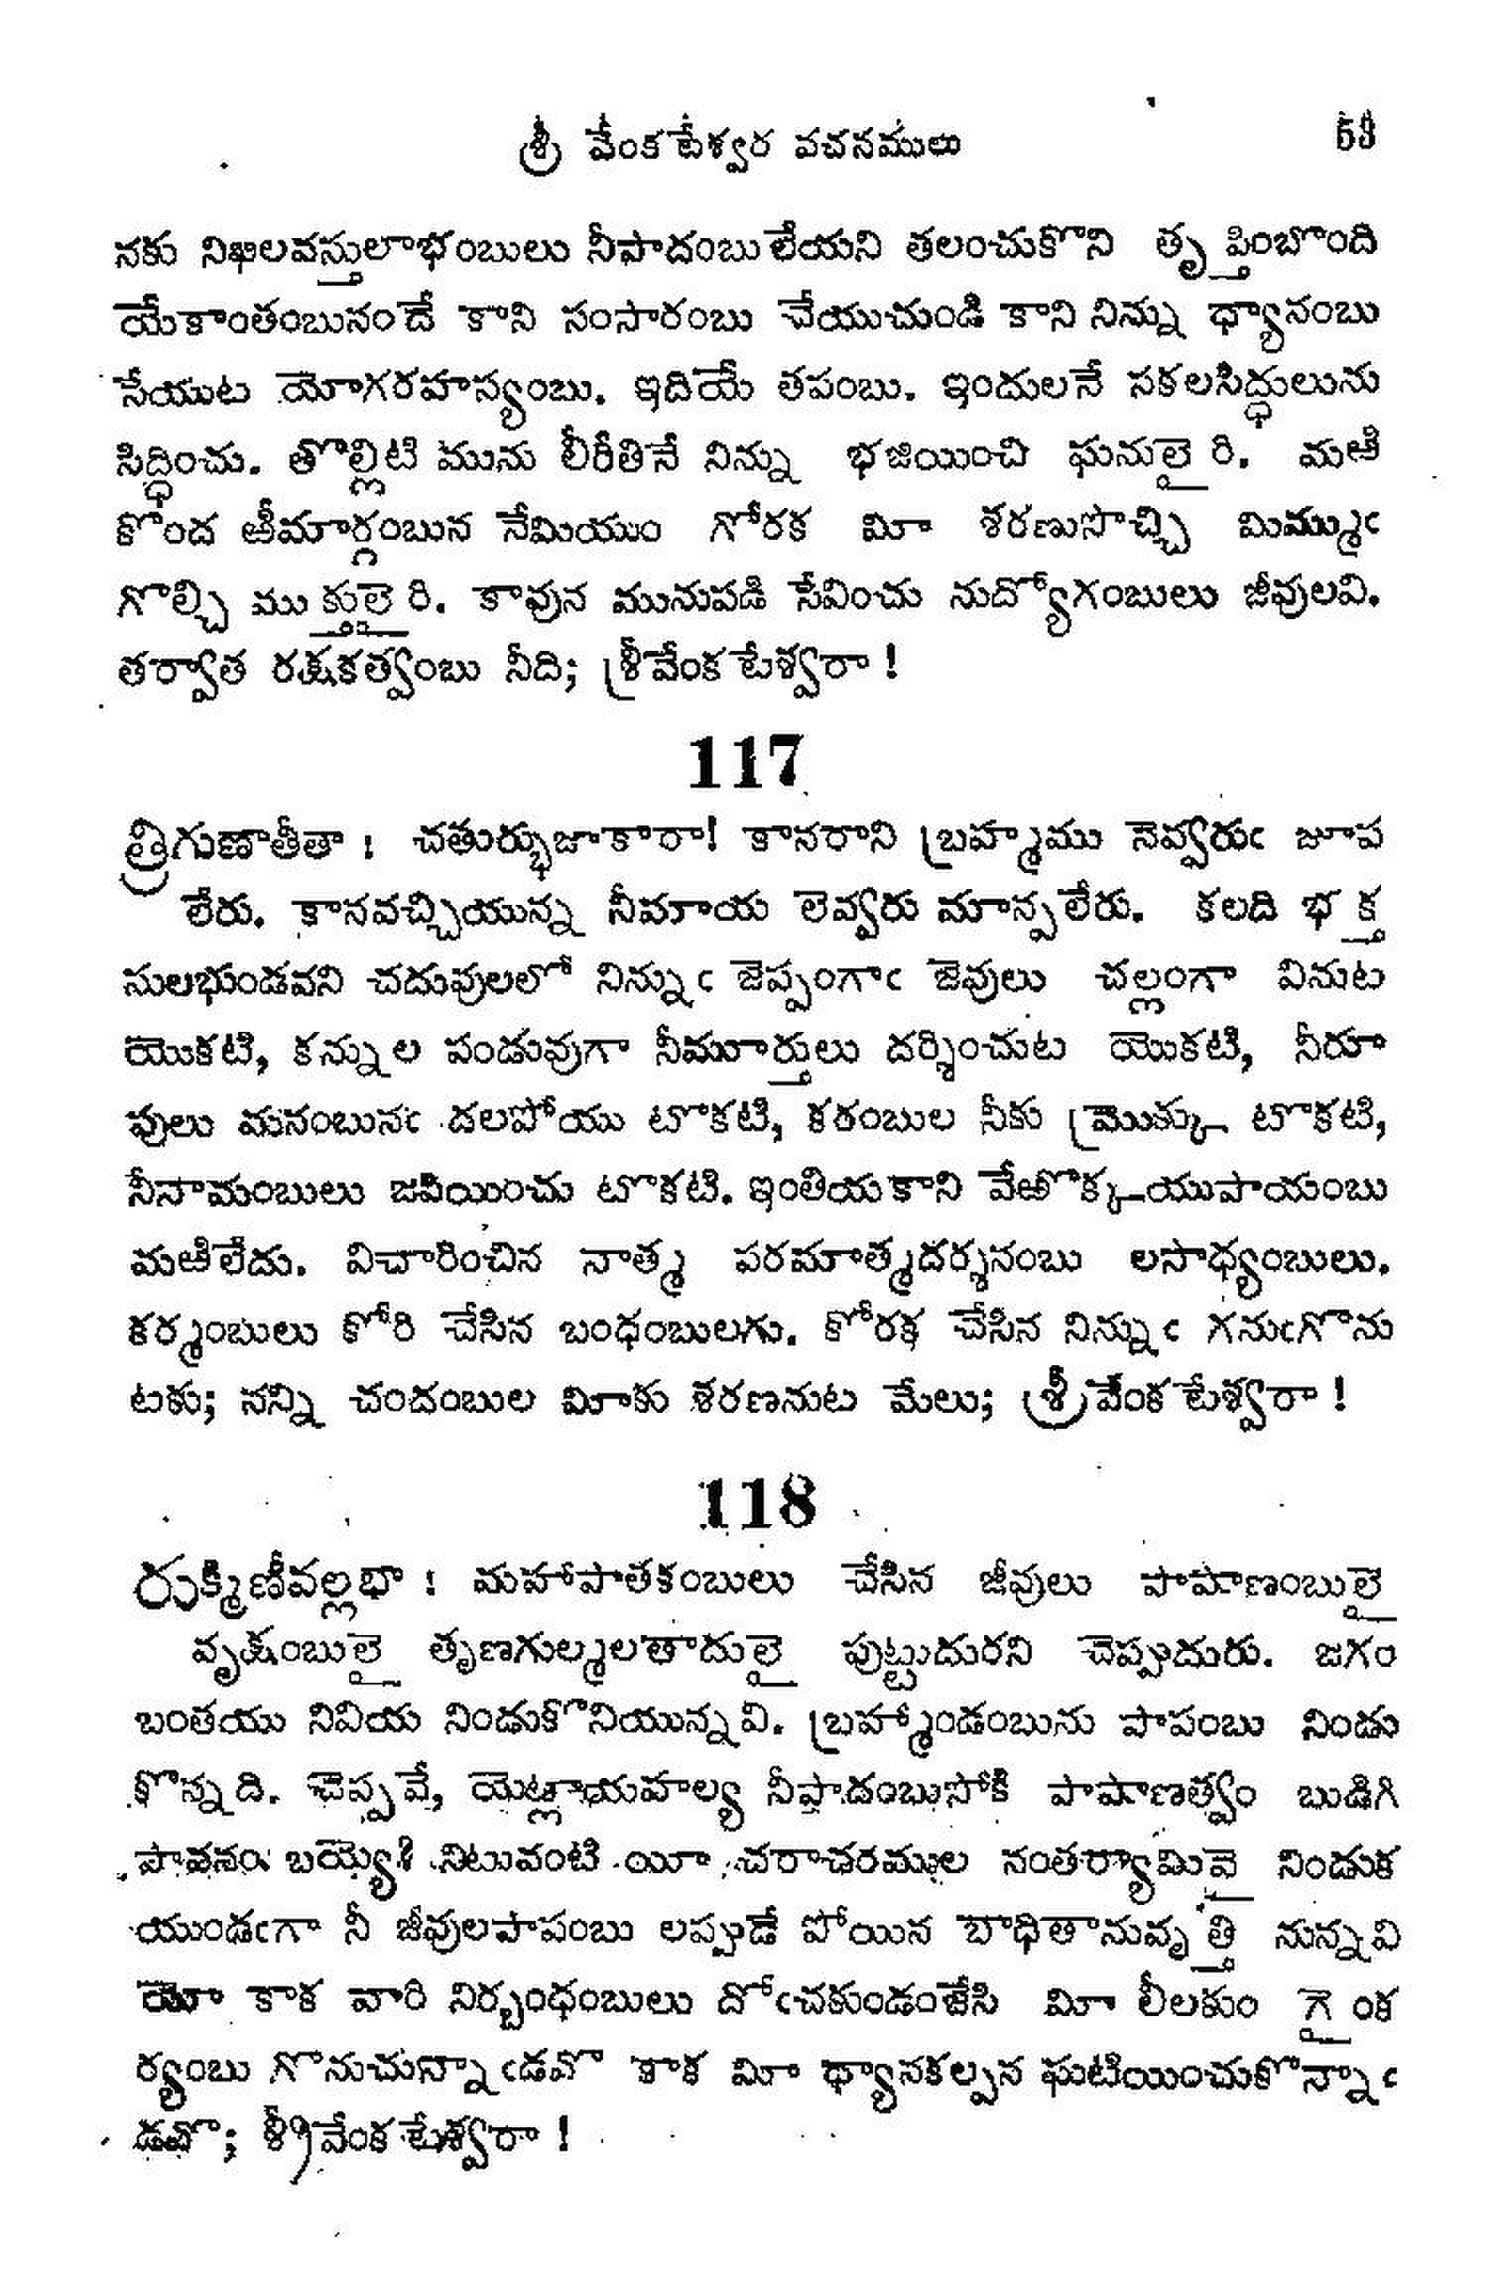నకు నిఖిలవస్తులాభంబులు నీపాదంబు లేయని తలంచుకొని తృప్తింబొంది యేకాంతంబునందే కాని సంసారంబు చేయుచుండి కాని నిన్ను ధ్యానంబు 'సేయుట యోగరహస్యంబు. ఇదియే తపంబు, ఇందులనే సకలసిద్ధులును సిద్దించు. తొల్లిటి మును లీరీతినే నిన్ను భజియించి ఘనులై రి.' మఱి కొంద ఱీమార్గంబున నేమియుం గోరక మీ శరణుసొచ్చి మిమ్ముఁ గొల్చి ముక్తులైరి. కావున మునుపడి సేవించు నుద్యోగంబులు జీవులవి. తర్వాత రక్షకత్వంబు నీది; శ్రీవేంక టేశ్వరా !

117 

 ! చతుర్భుజాకారా! కానరాని బ్రహ్మము నెవ్వరుఁ జూప లేరు, కానవచ్చియున్న నీమాయ లెవ్వరు మాన్పలేరు. కలది భక్త సులభుండవని చదువులలో నిన్నుఁ జెప్పంగాఁ జెవులు చల్లంగా వినుటయొకటి, కన్నుల పండువుగా నీమూర్తులు దర్శించుట యొకటి, నీరూ పులు మనంబునఁ దలపోయు టోకటి, కరంబుల నీకు మ్రొక్కు టొకటి, నీనామంబులు జపియించు టొకటి. ఇంతియ కాని వేఱోక్క యుపాయంబు మఱి లేదు. విచారించిన నాత్మ పరమాత్మదర్శనంబు లసాధ్యంబులు, కర్మంబులు కోరి చేసిన బంధంబులగు. కోరక చేసిన నిన్నుఁ గనుఁగొను టకు; నన్ని చందంబుల మీకు శరణనుట మేలు; శ్రీవేంకటేశ్వరా ! .

118

 ! మహాపాతకంబులు చేసిన జీవులు పాషాణంబులై వృక్షంబులై తృణగుల్మలతాదులై పుట్టుదురని చెప్పుదురు. జగం బంతయు నివియ నిండుకొనియున్నవి. బ్రహ్మాండంబును పాపంబు నిండు కొన్నది. చెప్పవే, యెట్లాయహల్య నీపాదంబుసోకి పాషాణత్వం బుడిగి పావనం బయ్యె? నిటువంటి యీ చరాచరముల నంతర్యామివై నిండుకయుండఁగా నీ జీవుల పాపంబు లప్పుడే పోయిన బాధి తానువృత్తి నున్నవి 'యో కాక వారి నిర్బంధంబులు దోఁచకుండంజేసి మీ లీలకుం గైంక ర్యంబు గొనుచున్నాఁడవొ కాక మీ ధ్యానకల్పన ఘటియించుకొన్నాఁ డవో; శ్రీ వేంక టేశ్వరా !